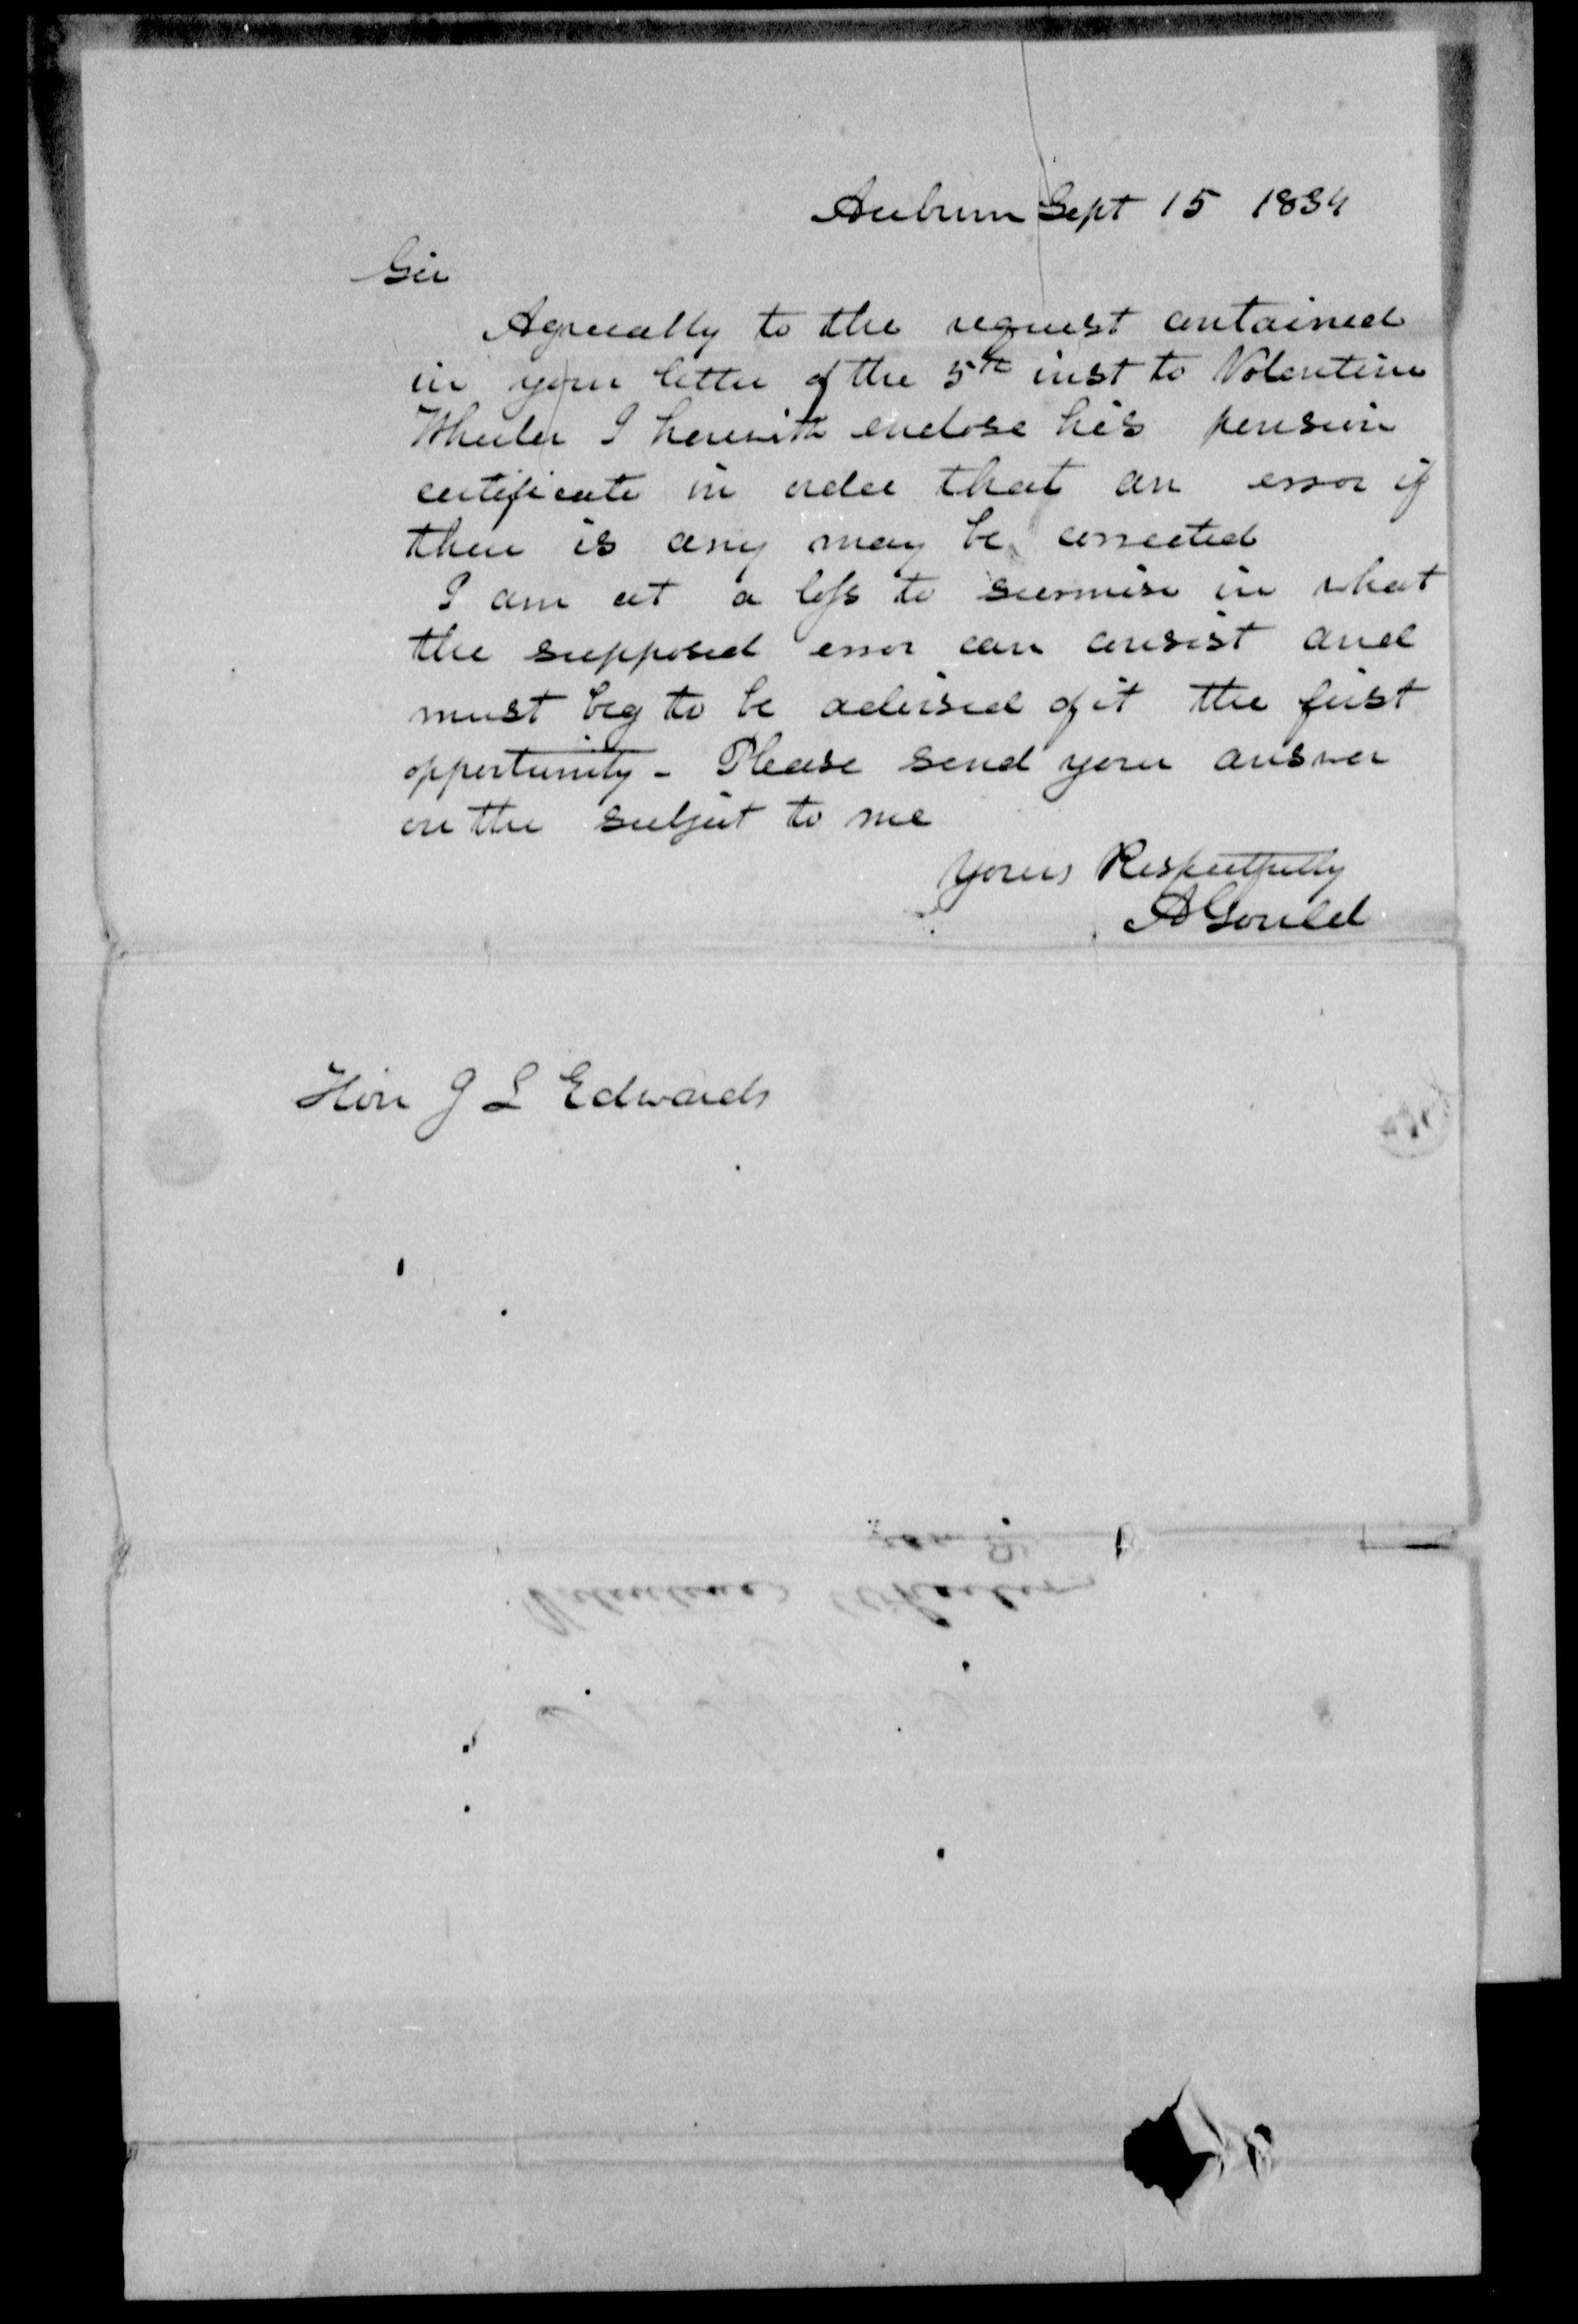Auburn Sept 15, 1834

Sir
Agreeally to the request contained in your letter of the 5th inst. to Volentine Wheeler I herewith enclose his pension certificate in order that an error if there is any may be corrected.
I am at a loss to surmise in what the supposed error can consist and must be to be advised of it the first oppertunity. Please send your answer on the subject to me.
Yours Respectfully
a. Gould

Hon. J. L. Edwards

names: Volentine Wheeler, J L Edwards, A Gould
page: 86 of 98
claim: widow's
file: W. 1682, Valentine Wheeler, Mass.